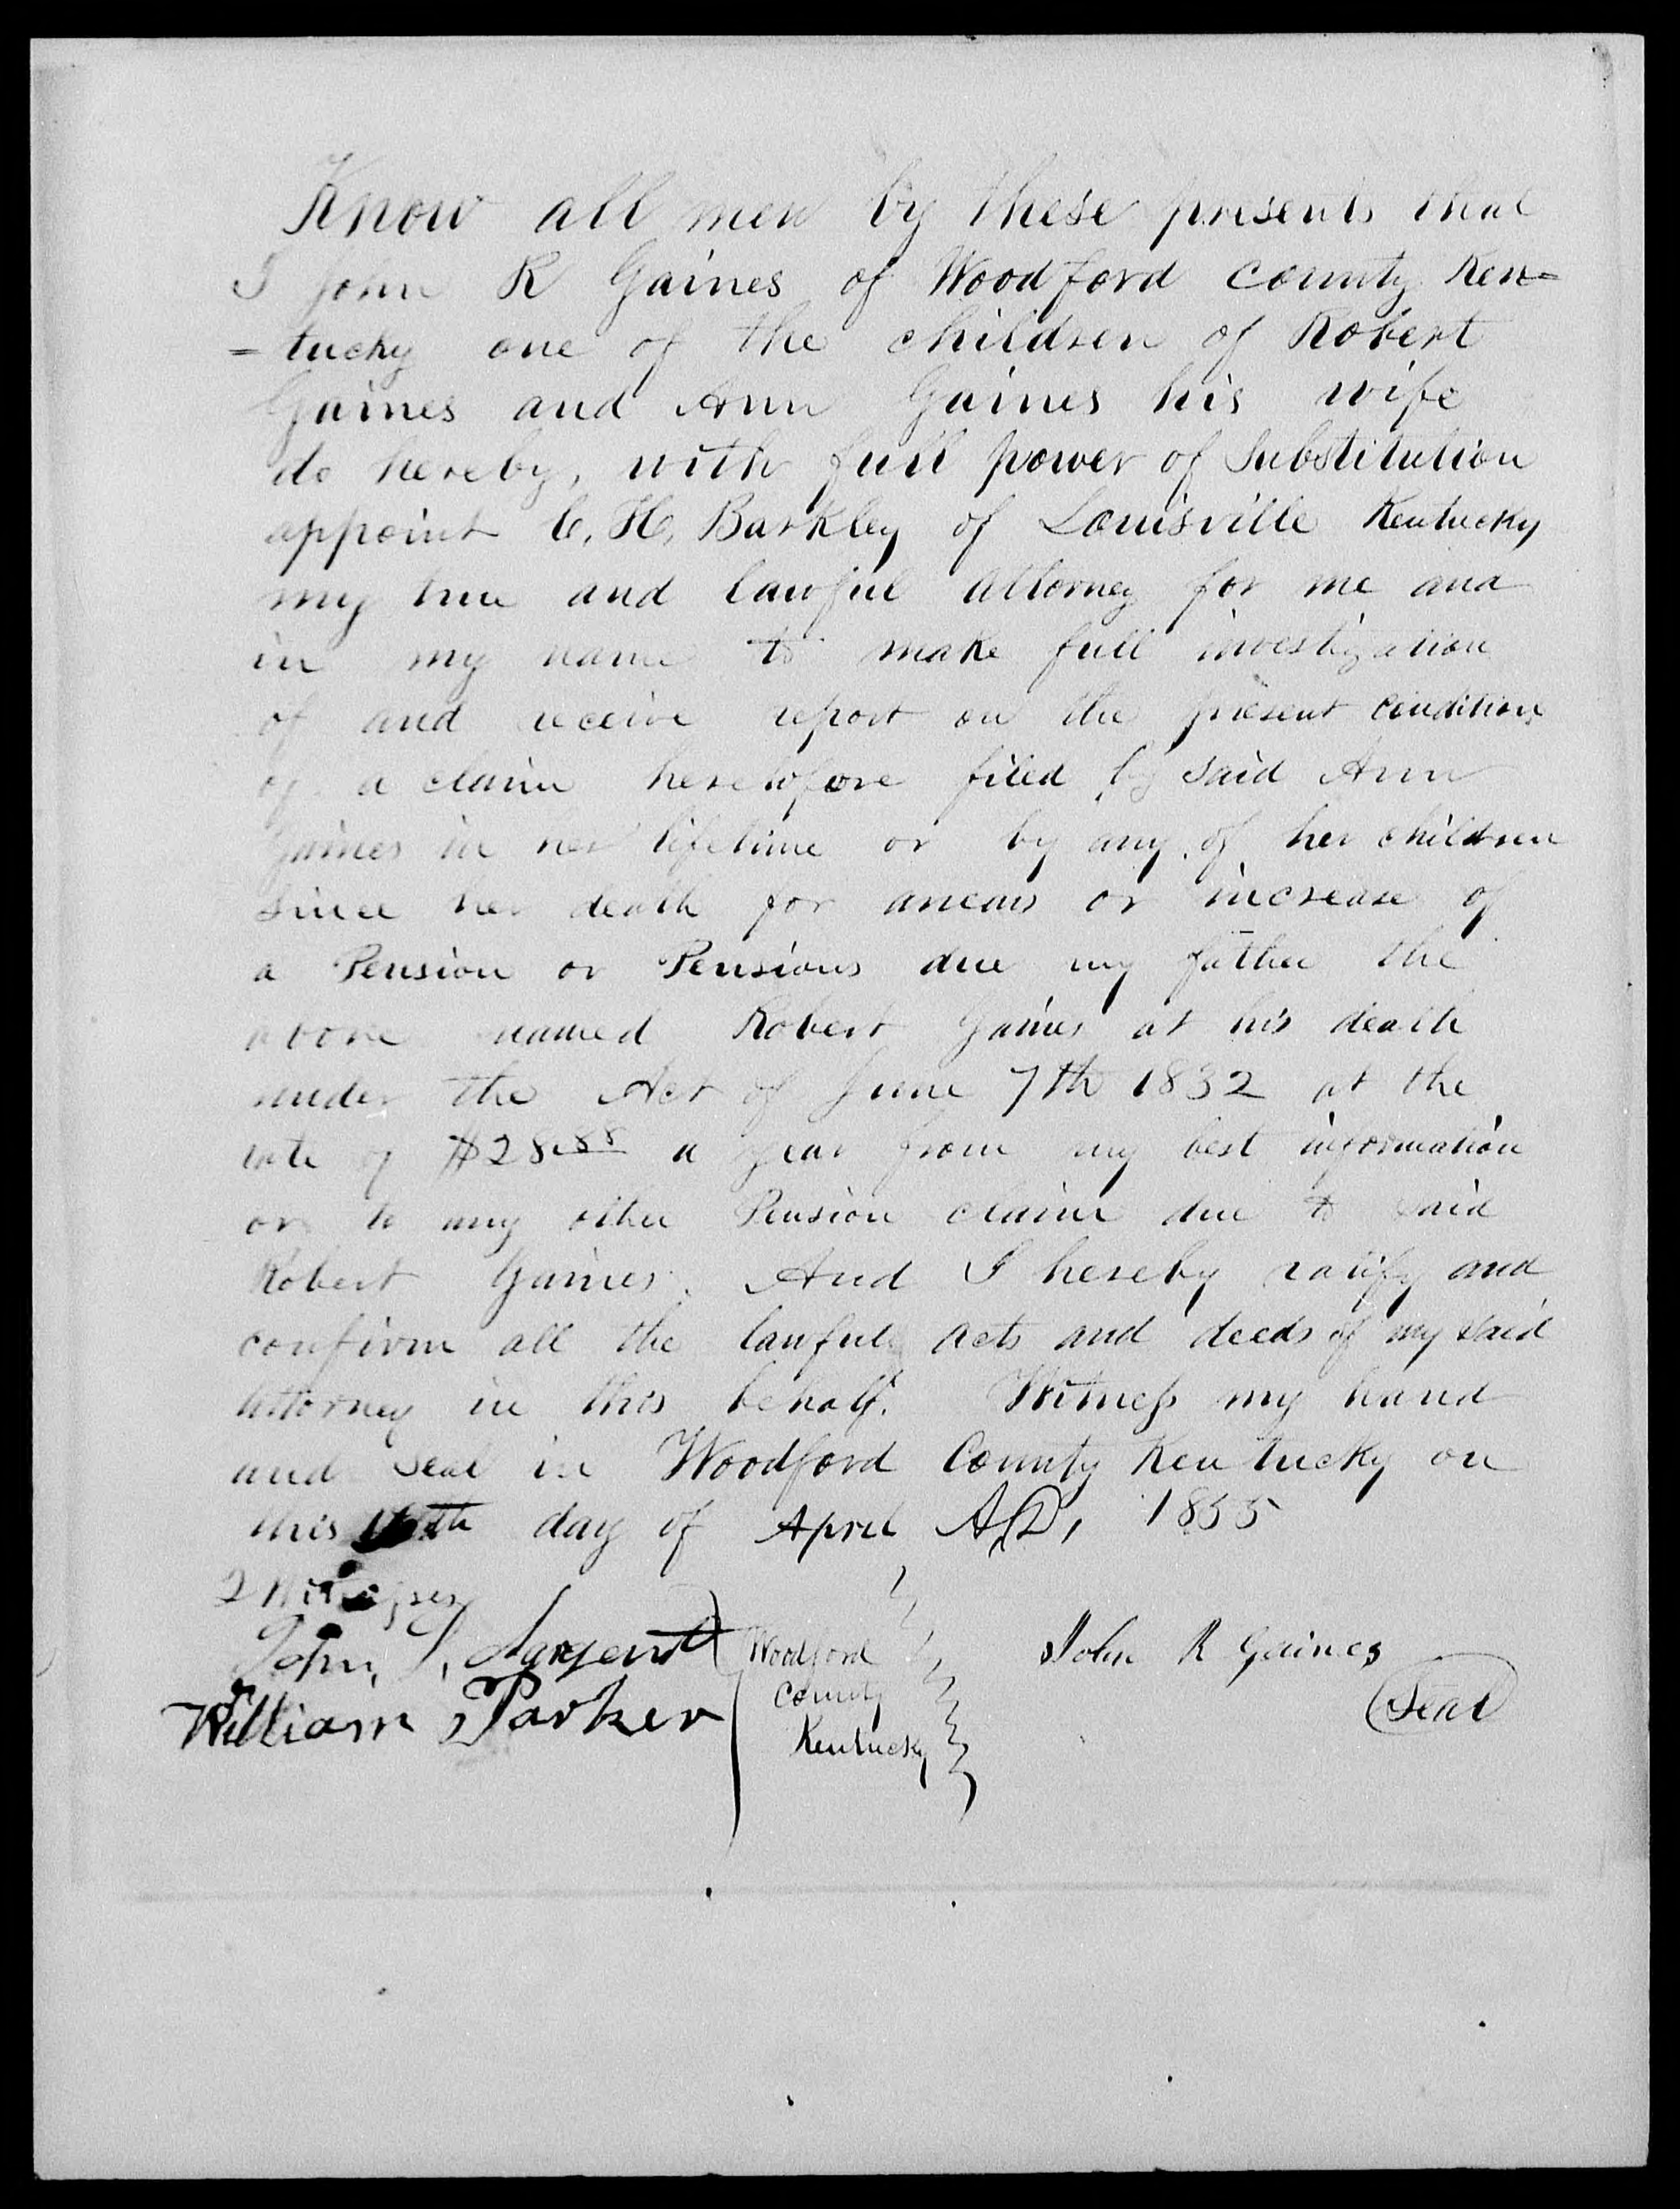Know all men by these presents that
I John R Gaines of Woodford County Kentucky
one of the children of Robert
Gaines and Ann Gaines his wife
do hereby, with full power of substitution
appoint C. H. Barkley of Louisville Kentucky
my true and lawful attorney for me and
in my name to make full investigation
of and receive report on the present condition
of a claim heretofore filed by said Ann
Gaines in her lifetime or by any of her children
since her death for arrears or increase of
a Pension or Pensions due my father the
above named Robert Gaines at his death
under the Act of June 7th 1832 at the
rate of $28.88 a year from my best information
or to my other Pension claim due to said
Robert Gaines. And I hereby ratify and
confirm all the lawful acts and deeds of my said
attorney in this behalf. Witness my hand
and seal in Woodford County Kentucky on
this 16th day of April A.D. 1855
Witnesses
Maper
John L. Sargent 
William Parker
Woodford County Kentucky

John R. Gaines
Seal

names: John R Gaines, John D Sargent, John R Gaines, Ann Gaines, William Parker, C H Barkley, Robert Gaines, Ann Gaines, Robert Gaines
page: 77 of 79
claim: rejected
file: R. 3863, Robert Gaines, Va.